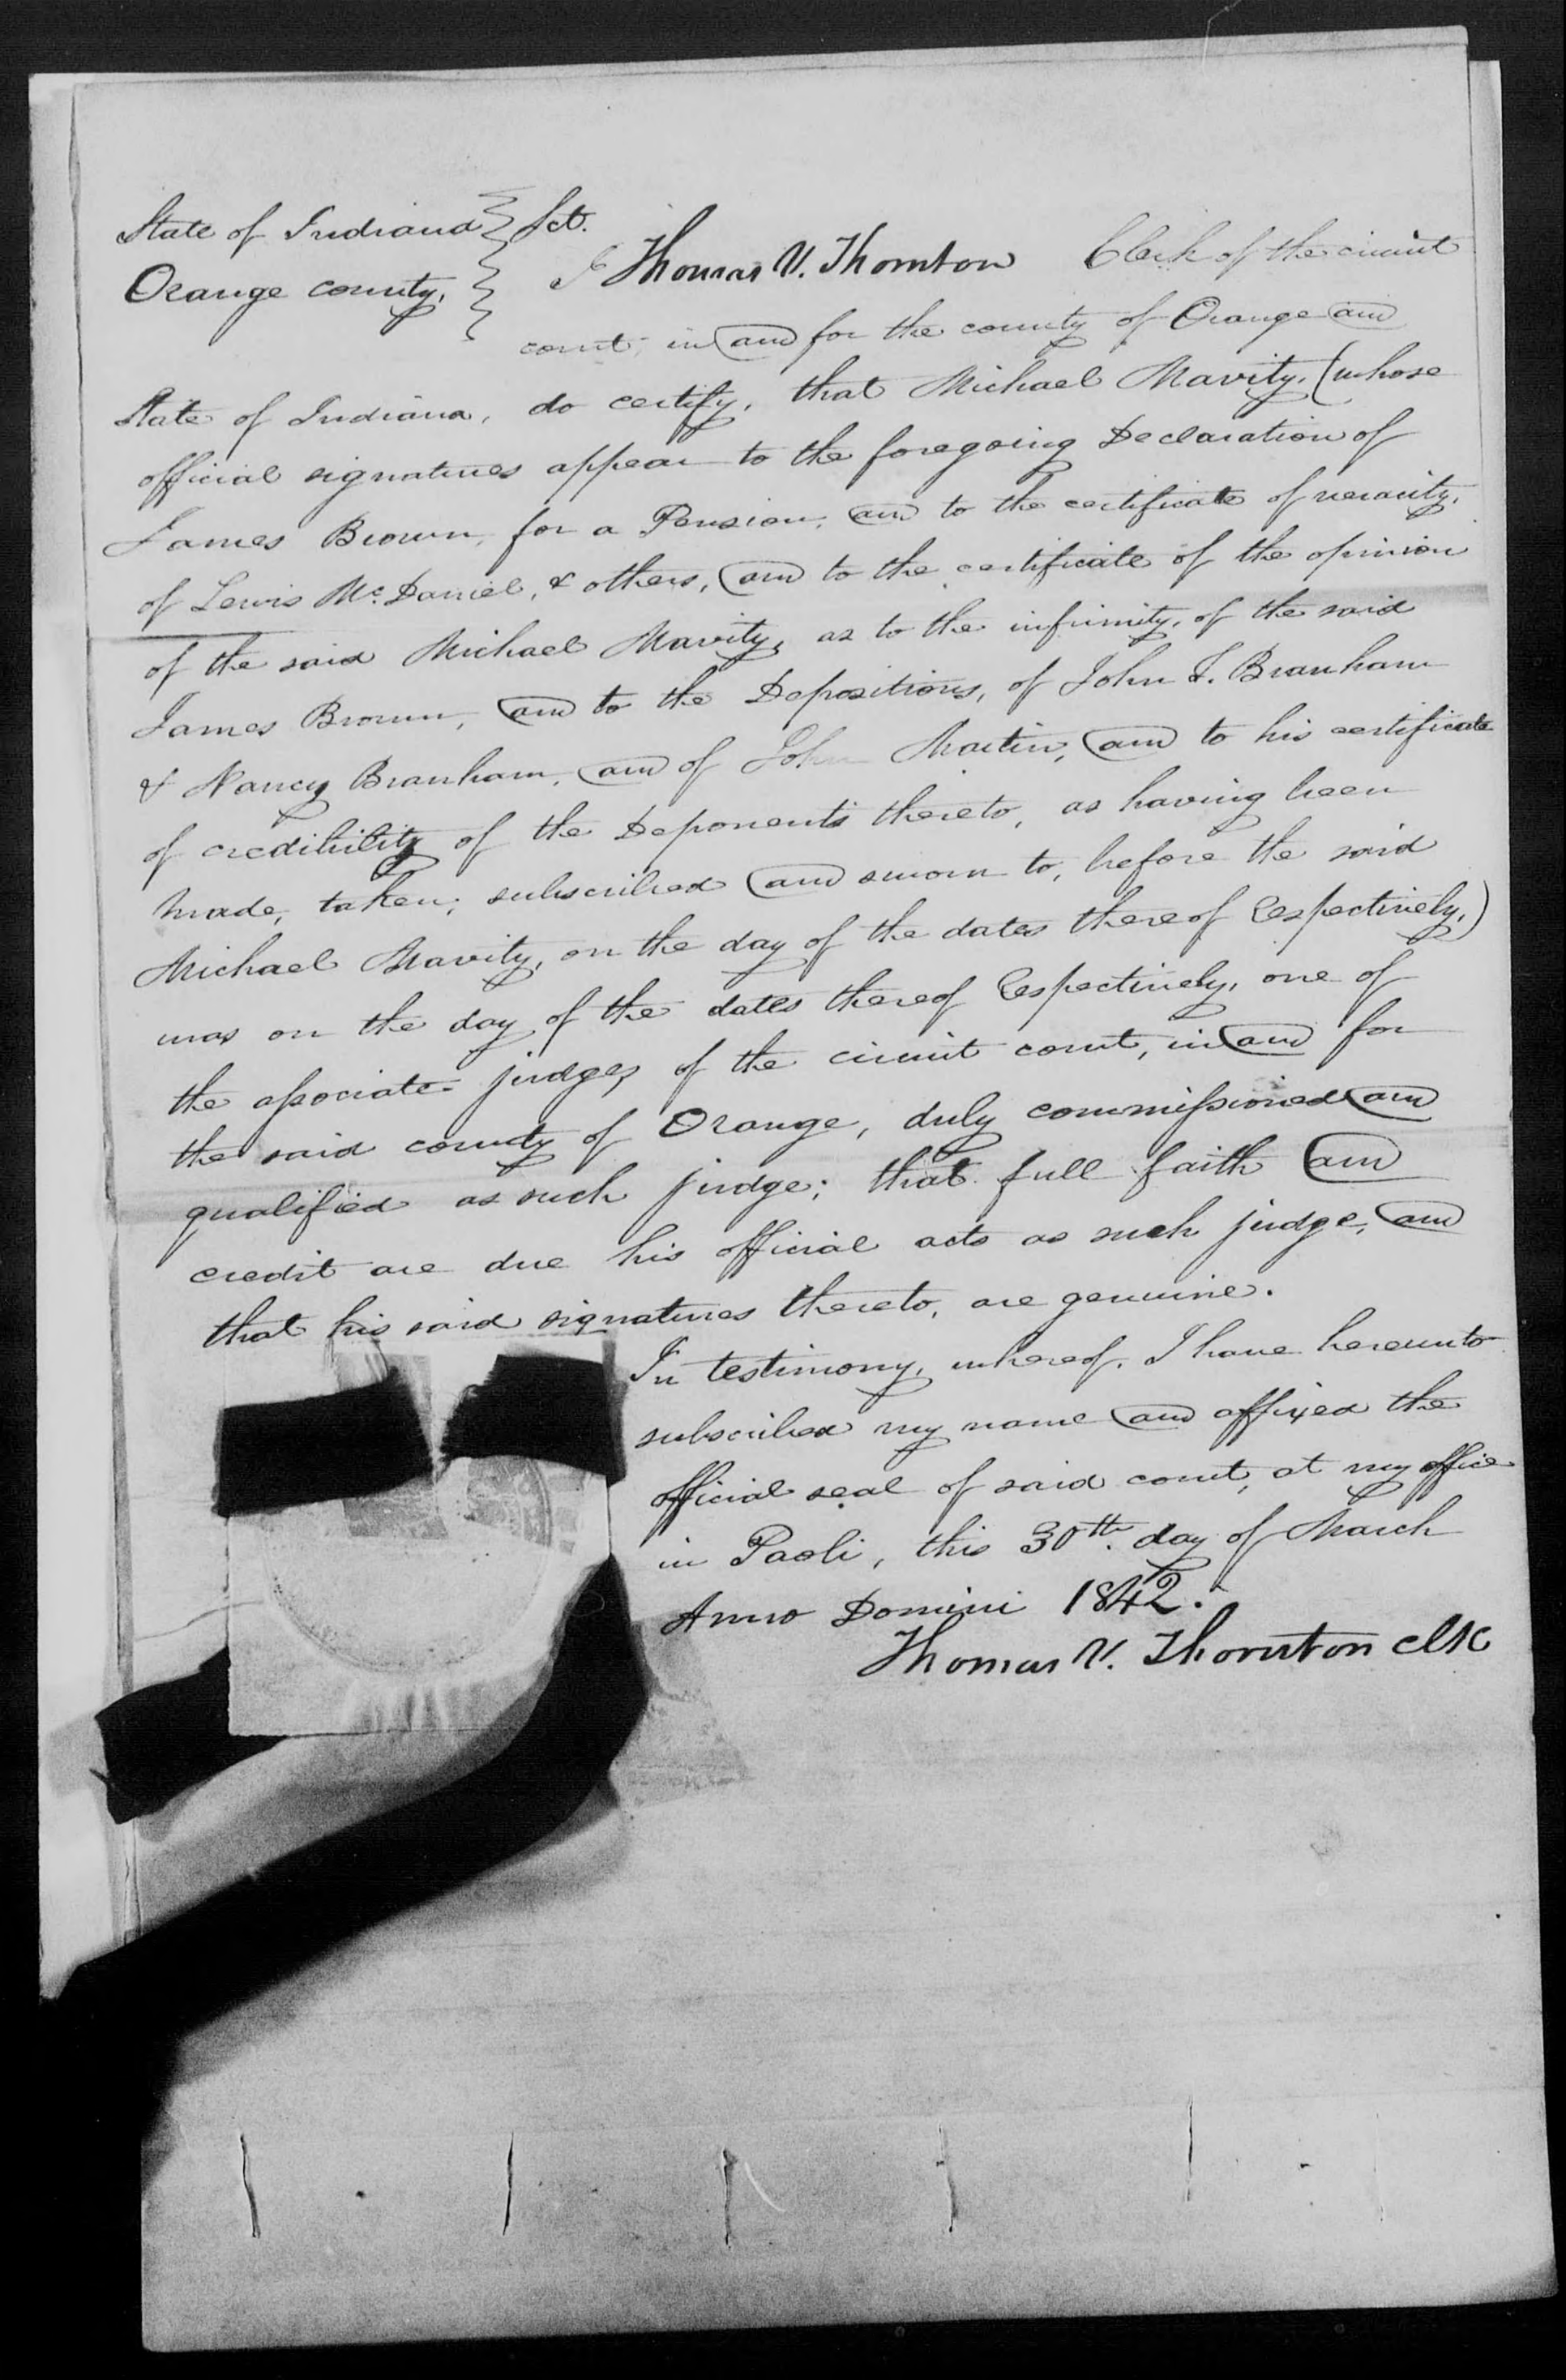State of Indiana Orange County,
I Thomas V. Thornton Clerk of the Circuit court in and for the County of Orange and State of Indiana, do certify that Michael Mavity, (whose
official signatures appear to the foregoing Declaration of
James Brown for a Pension in to the certificate of veracity.
of Lewis Mc Daniel & others, and to the certificate of the opinion
of the said Michael Mavity as to the infirmity of the said James Brown, and to the Depositions of John S. Branham & Nancy Branham one of John Martin, and to his certificate
of credibility of the Deponent thereto, as having been made, taken, subscribed and sworn to, before the said Michael Mavity, on the day of the date thereof respectively was on the day of the dates thereof respectively, one of the associate Judges of the circuit court, in and for the said County of Orange, duly commissioned and qualified as such judge; that full faith and credit are due his official acts as such judge, and
that his said signatures thereto are genuine.
In testimony whereof, I have hereunto
subscribed my name and affixed the
official seal of said court, at my office
in Paoli, this 30th day of March
Anno Domini 1842.
s/ Thomas V Thornton clerk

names: John T Branham, John Martin, James Brown, Michael Mavity, Thomas V Thornton, Thomas V Thornton, Lewis Mc Daniel, Nancy Branham, James Brown, Michael Mavity, Michael Mavity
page: 19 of 41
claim: rejected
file: R. 1309, James Brown, S.C.